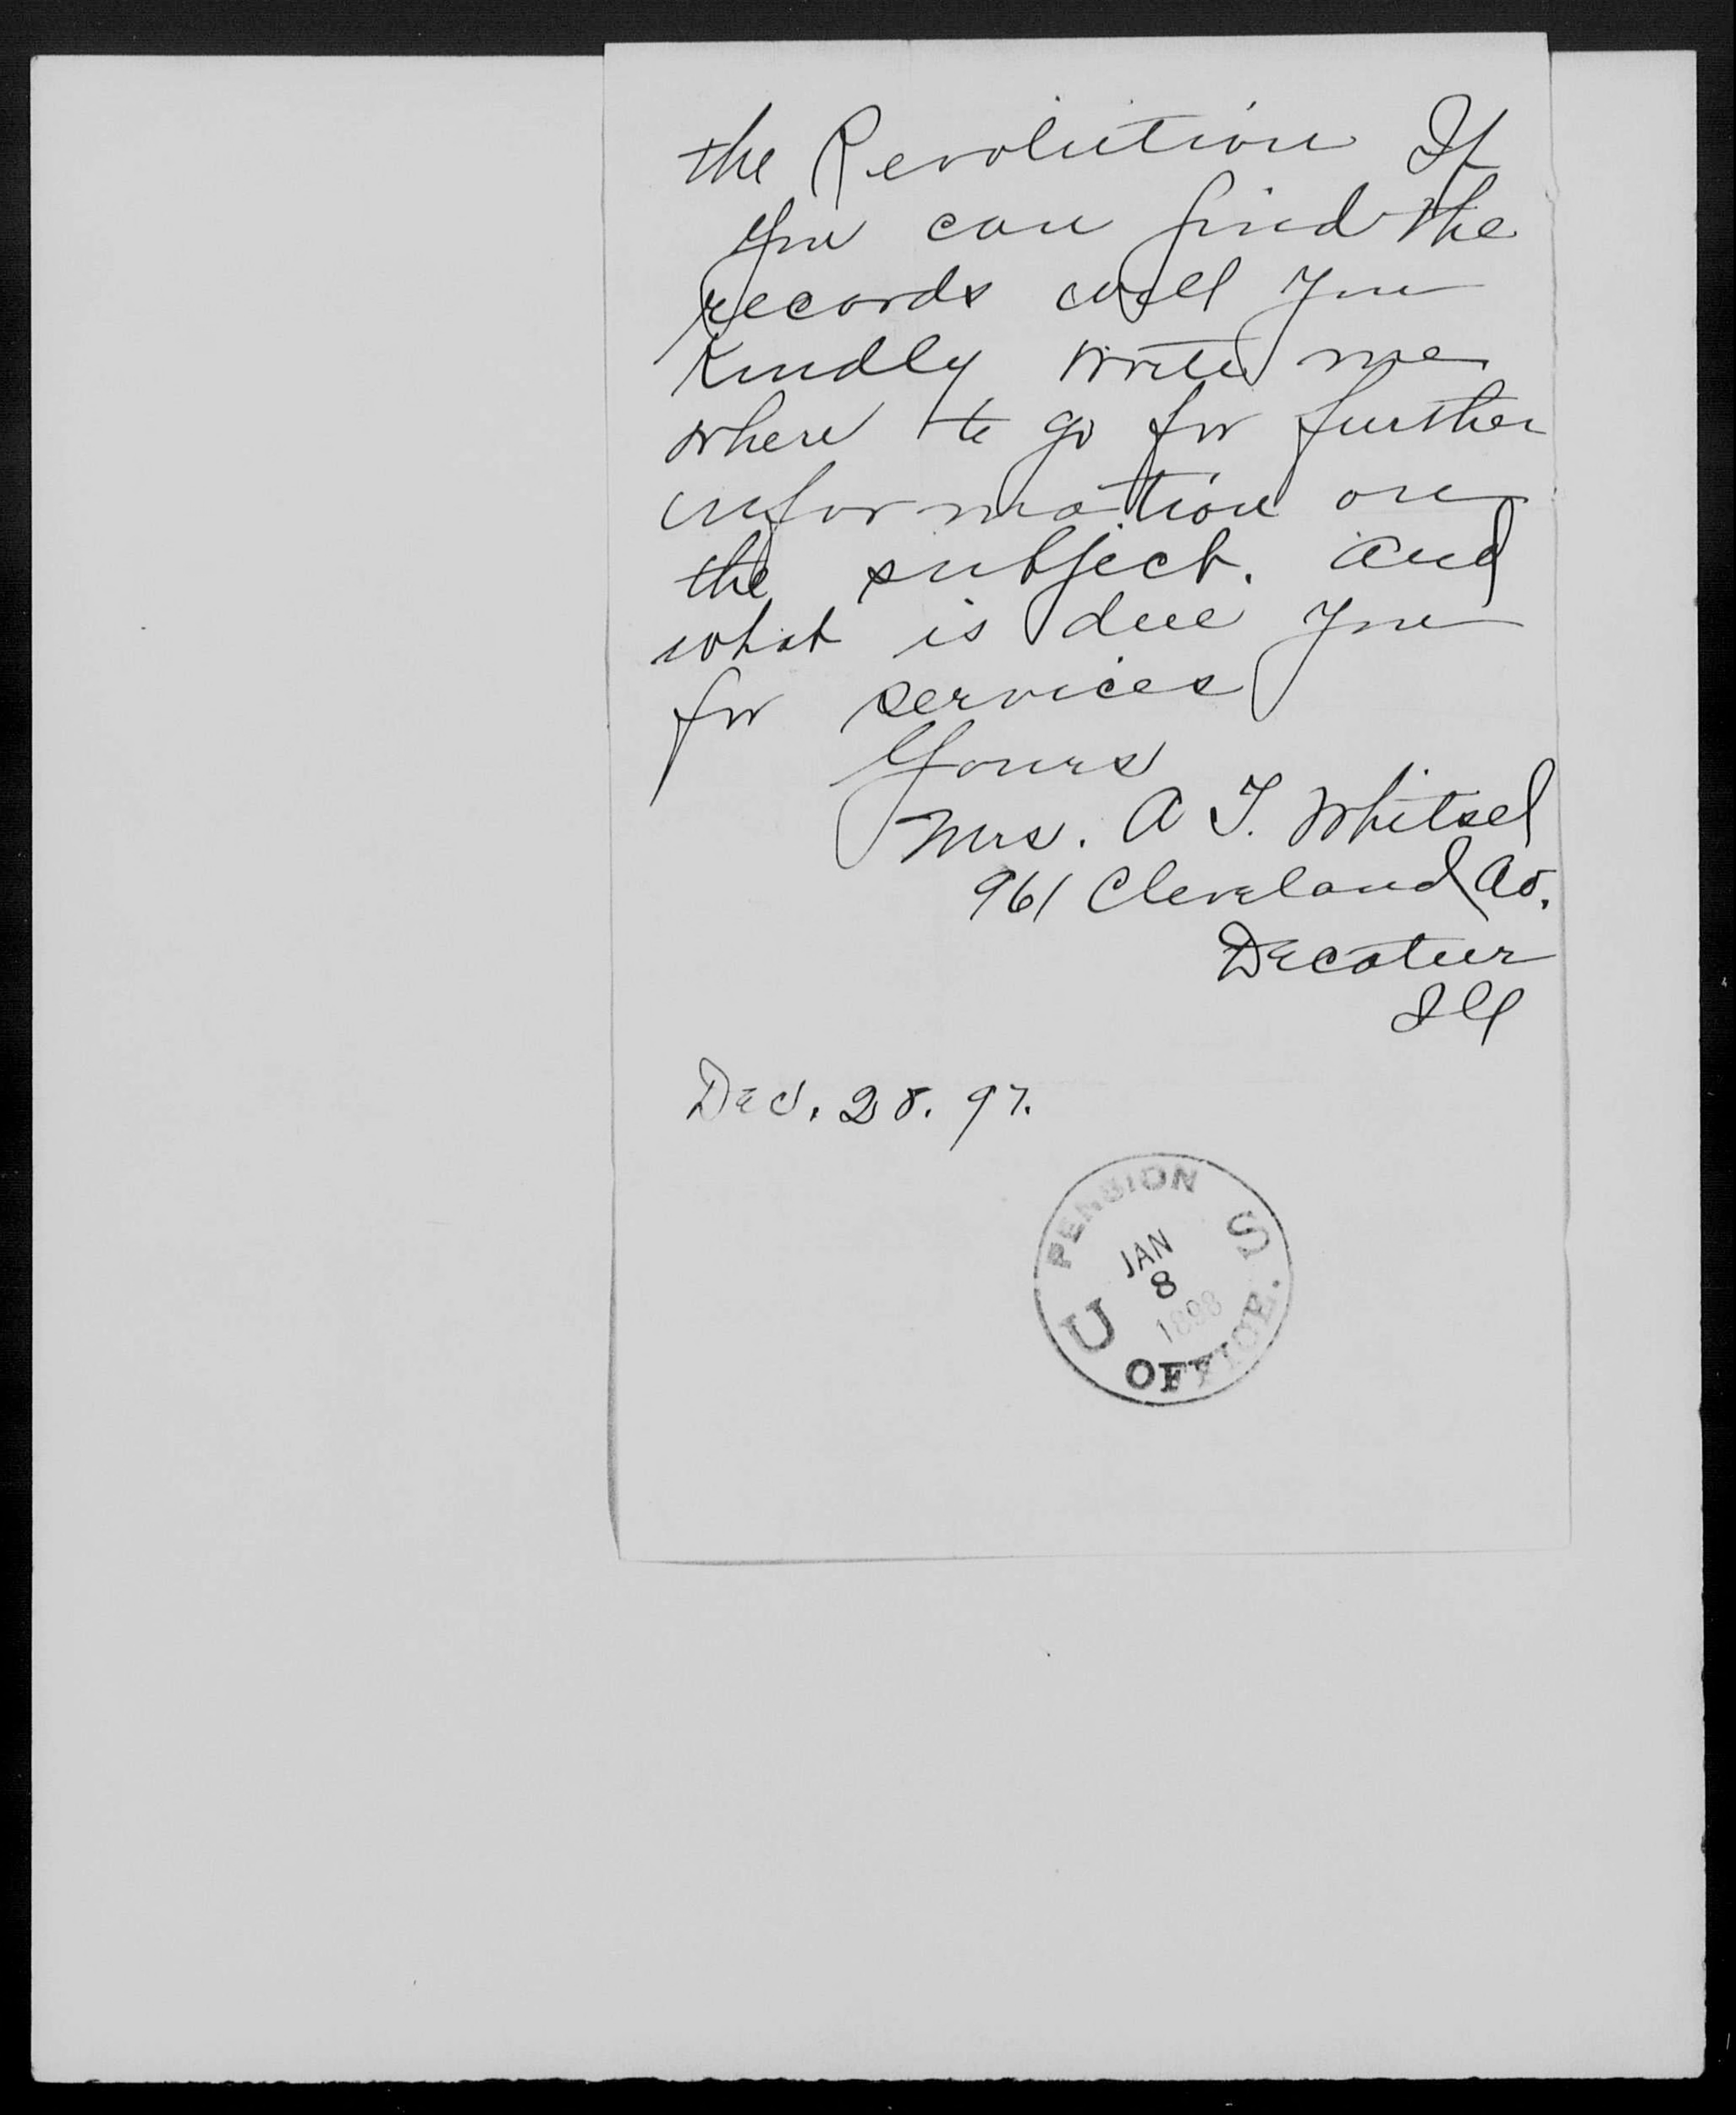the Revolution.  If you can find the records will you kindly write me where to go for further information on the subject, and what is due you for services
Yours
Mrs. A. T. Whitsel
961 Cleveland Av.
Decatur Ill
Dec. 28, 97.

STAMPED:
PENSION US OFFICE
JAN 8 1898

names: A T Whitsel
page: 49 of 50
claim: widow's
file: W. 8559, Ebenezer Ayer, Continental (Conn)